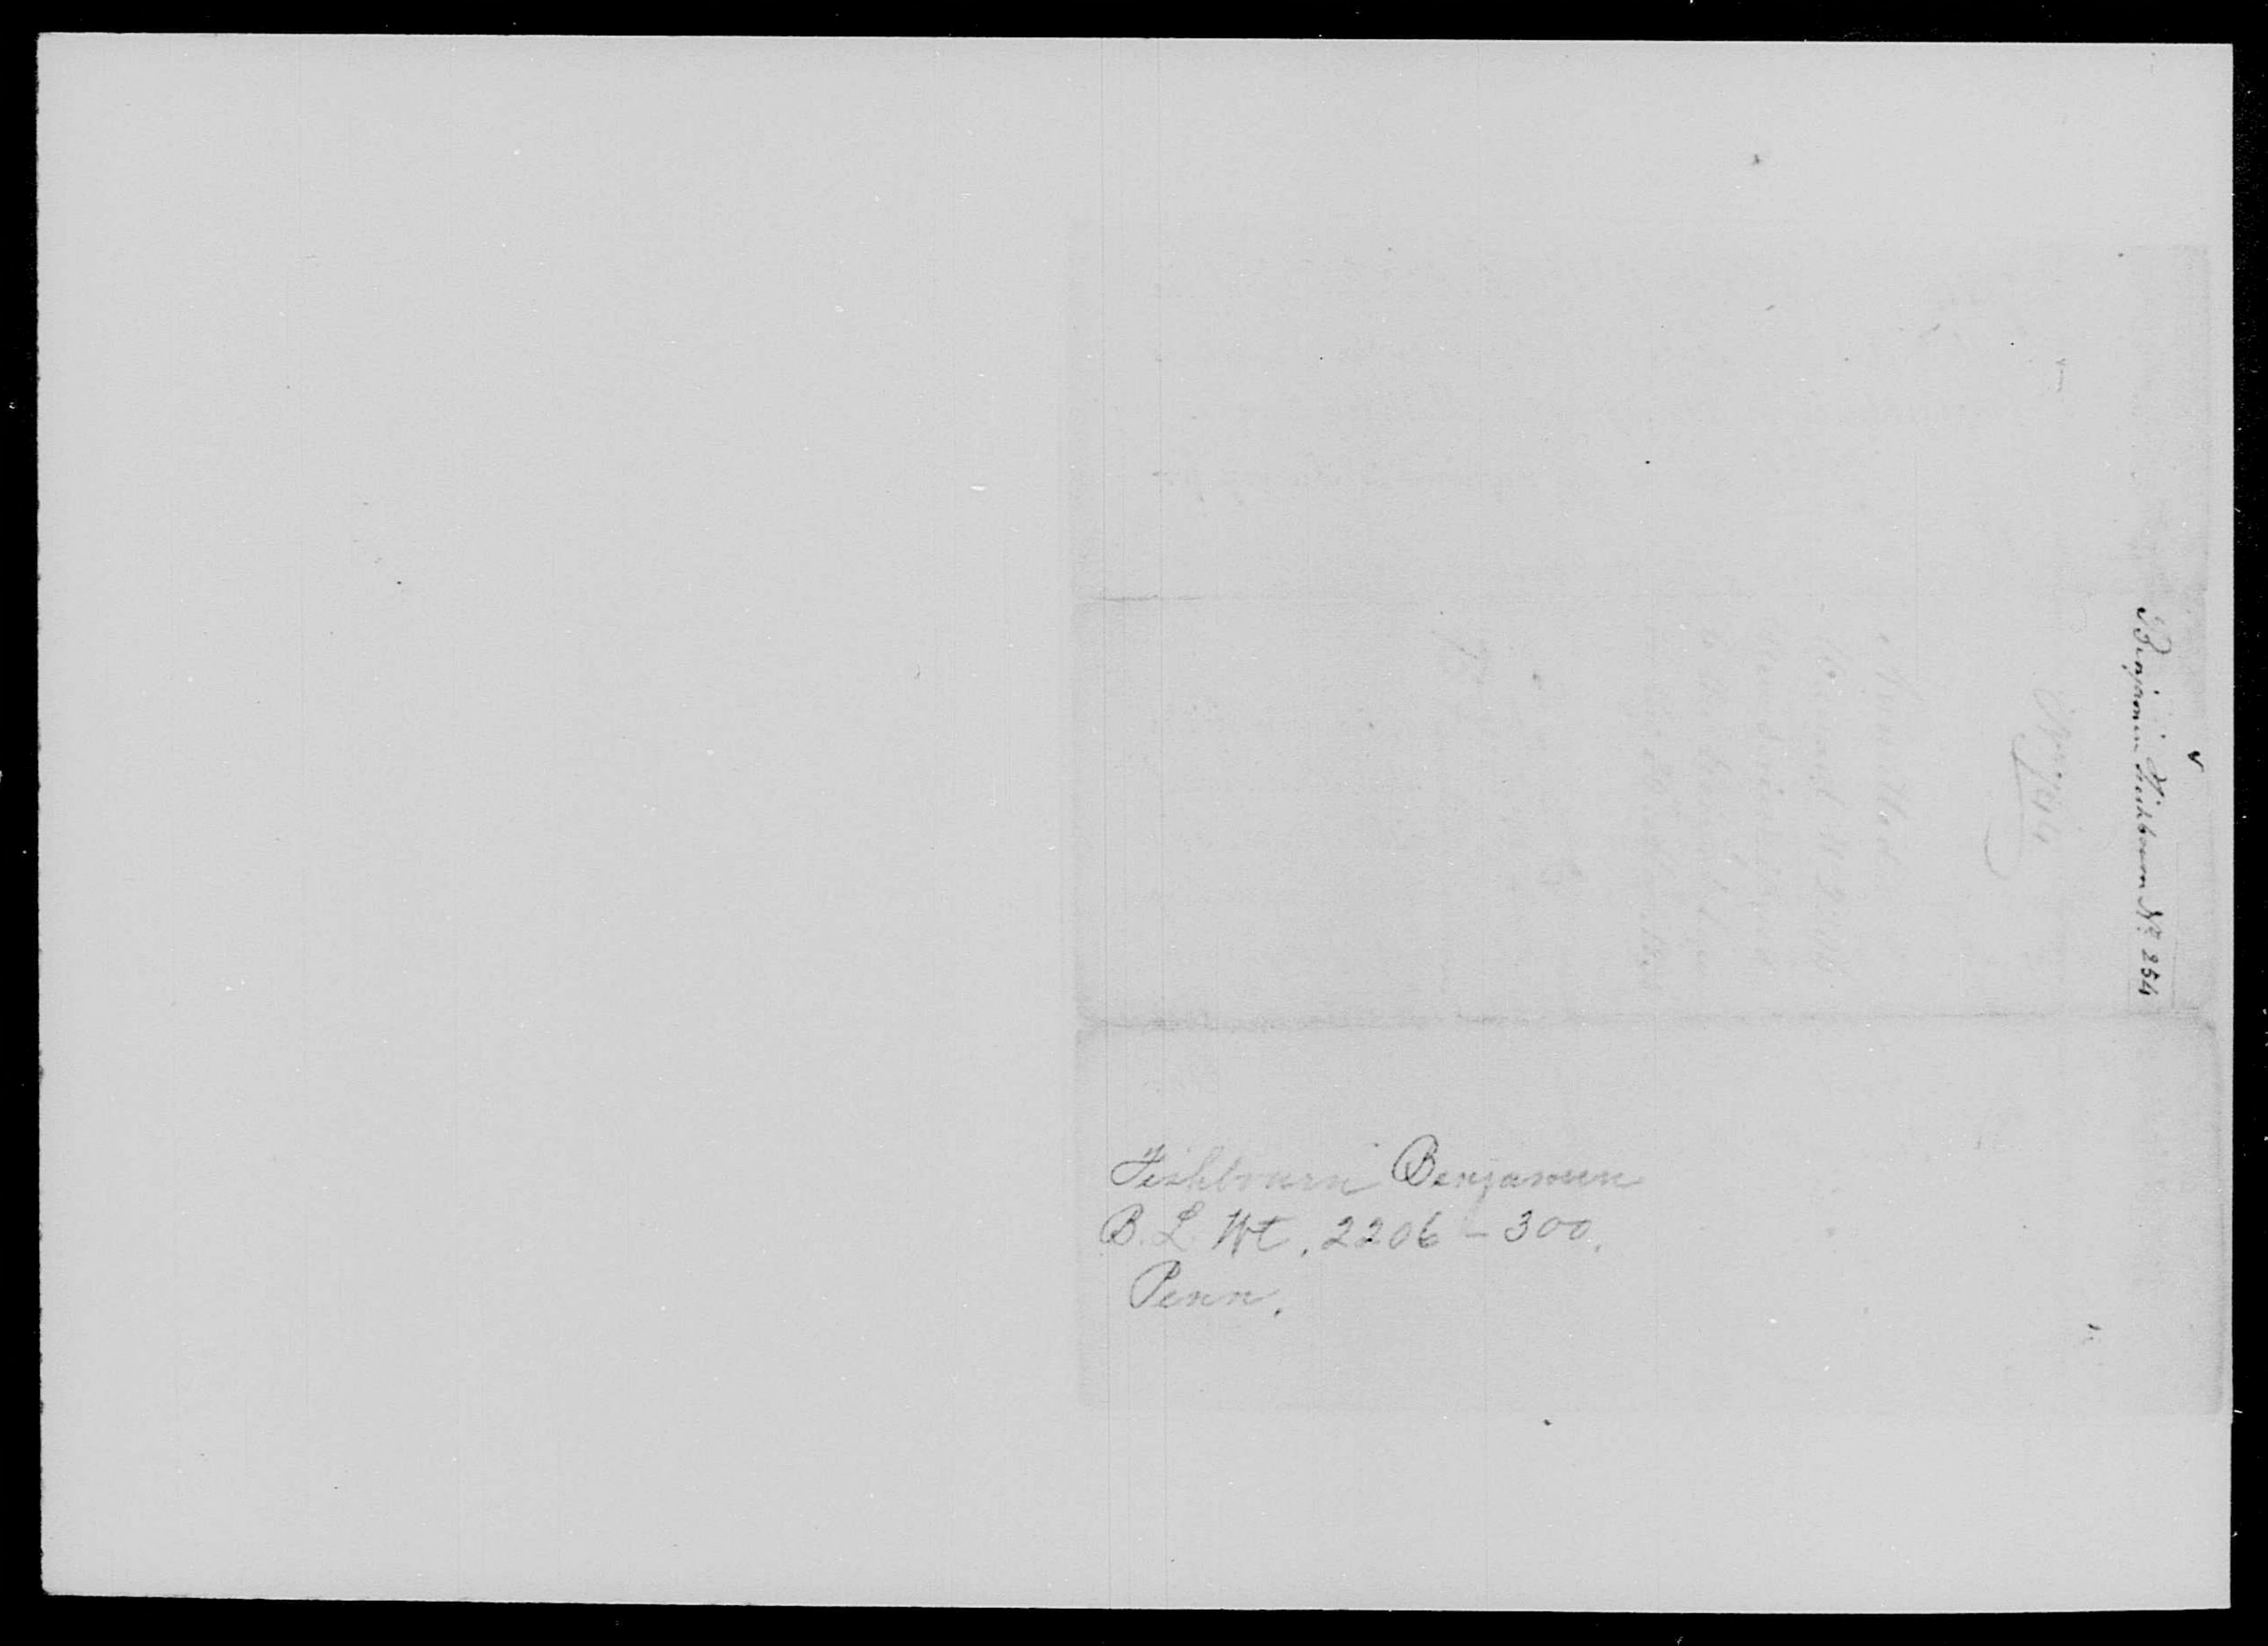Benjamin Fishbourn No.254


Fishbourn Benjamin
B.L. Wt. 2206-300.
Penn.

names: Benjamin Fishbourn, Benjamin Fishbourn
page: 10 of 11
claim: bounty land warrant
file: B.L.Wt. 2,206-300, Benjamin Fishbourn, Penn.